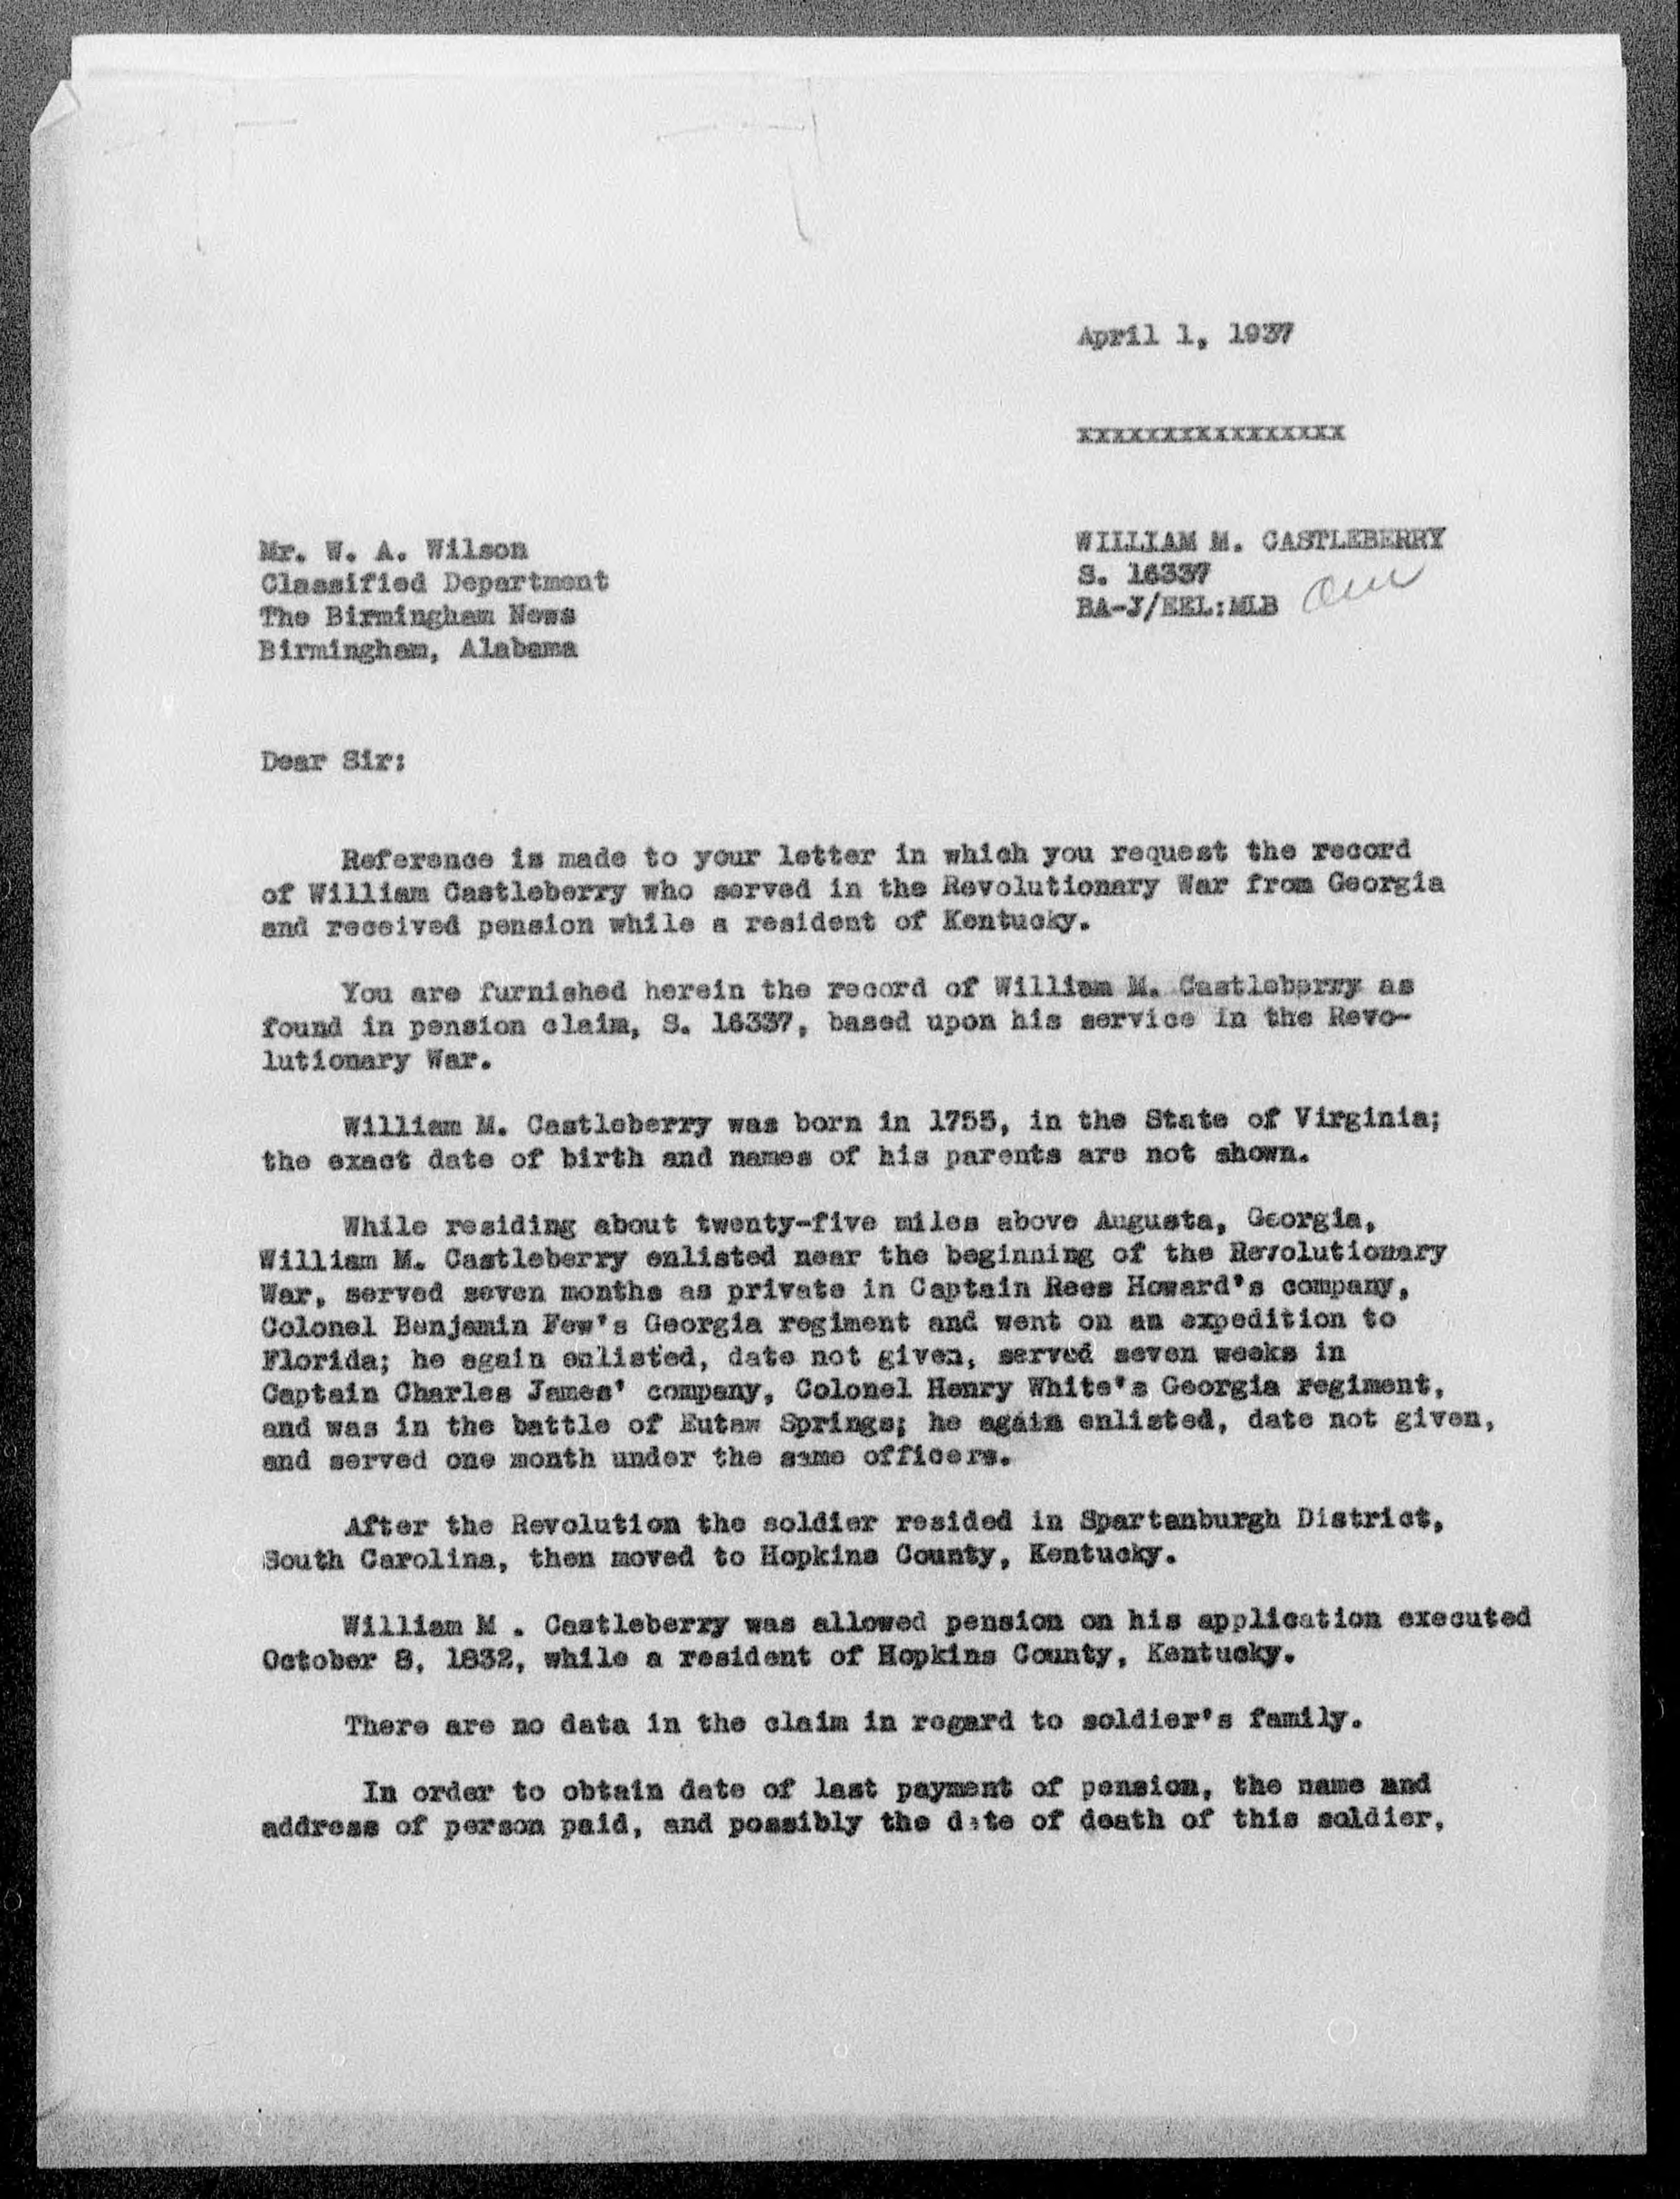April1 1937
Mr. W.A. Wilson                    
Classified Department
The Birmingham News
Birmingham, Alabama

William M. Castleberry
s. 16337
RA-J/EEL:MLB

Dear Sir,
Reference is made to your letter in which you request the record of William Castleberry who served in the Revolutionary War from Georgia and received pension while a resident in Kentucky.
You are furnished herein the record of William M. Castleberry as found in pension claim, S. 16337, based upon his service in the Revolutionary War.
William M. Castleberry was born in 1755, in the State of Virginia: the exact date of birth and names of his parents are hot shown.
While residing about twenty-five miles above Augusta, Georgia, William M. Castleberry enlisted near the beginning of the Revolutionary War, served seven months as private in Captain Rees Howard's company, Colonel Benjamin Few's Georgia regiment and went on an expedition to Florida; he again enlisted, date not given, served seven weeks in Captain Charles James' company, Colonel Henry White's Georgia regimet, and was in the battle of Eutan Springs; he again enlisted, date not given, and served one month under the same officers.

After the Revolution the soldier resided in Spartanburgh District, South Carolina, then moved to Hopkins County, Kentucky.

There are no data in the claim in regard to soldier's family.
In order to obtain date of last payment of pension, the name and address of person paid, and possibly the date of death of this soldier.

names: William M Castleberry, W A Wilson, William M Castleberry, William M Castleberry, William Castleberry, William M Castleberry, William M Castleberry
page: 9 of 20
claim: survivor's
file: S. 16,337, William M Castleberry, Ga.